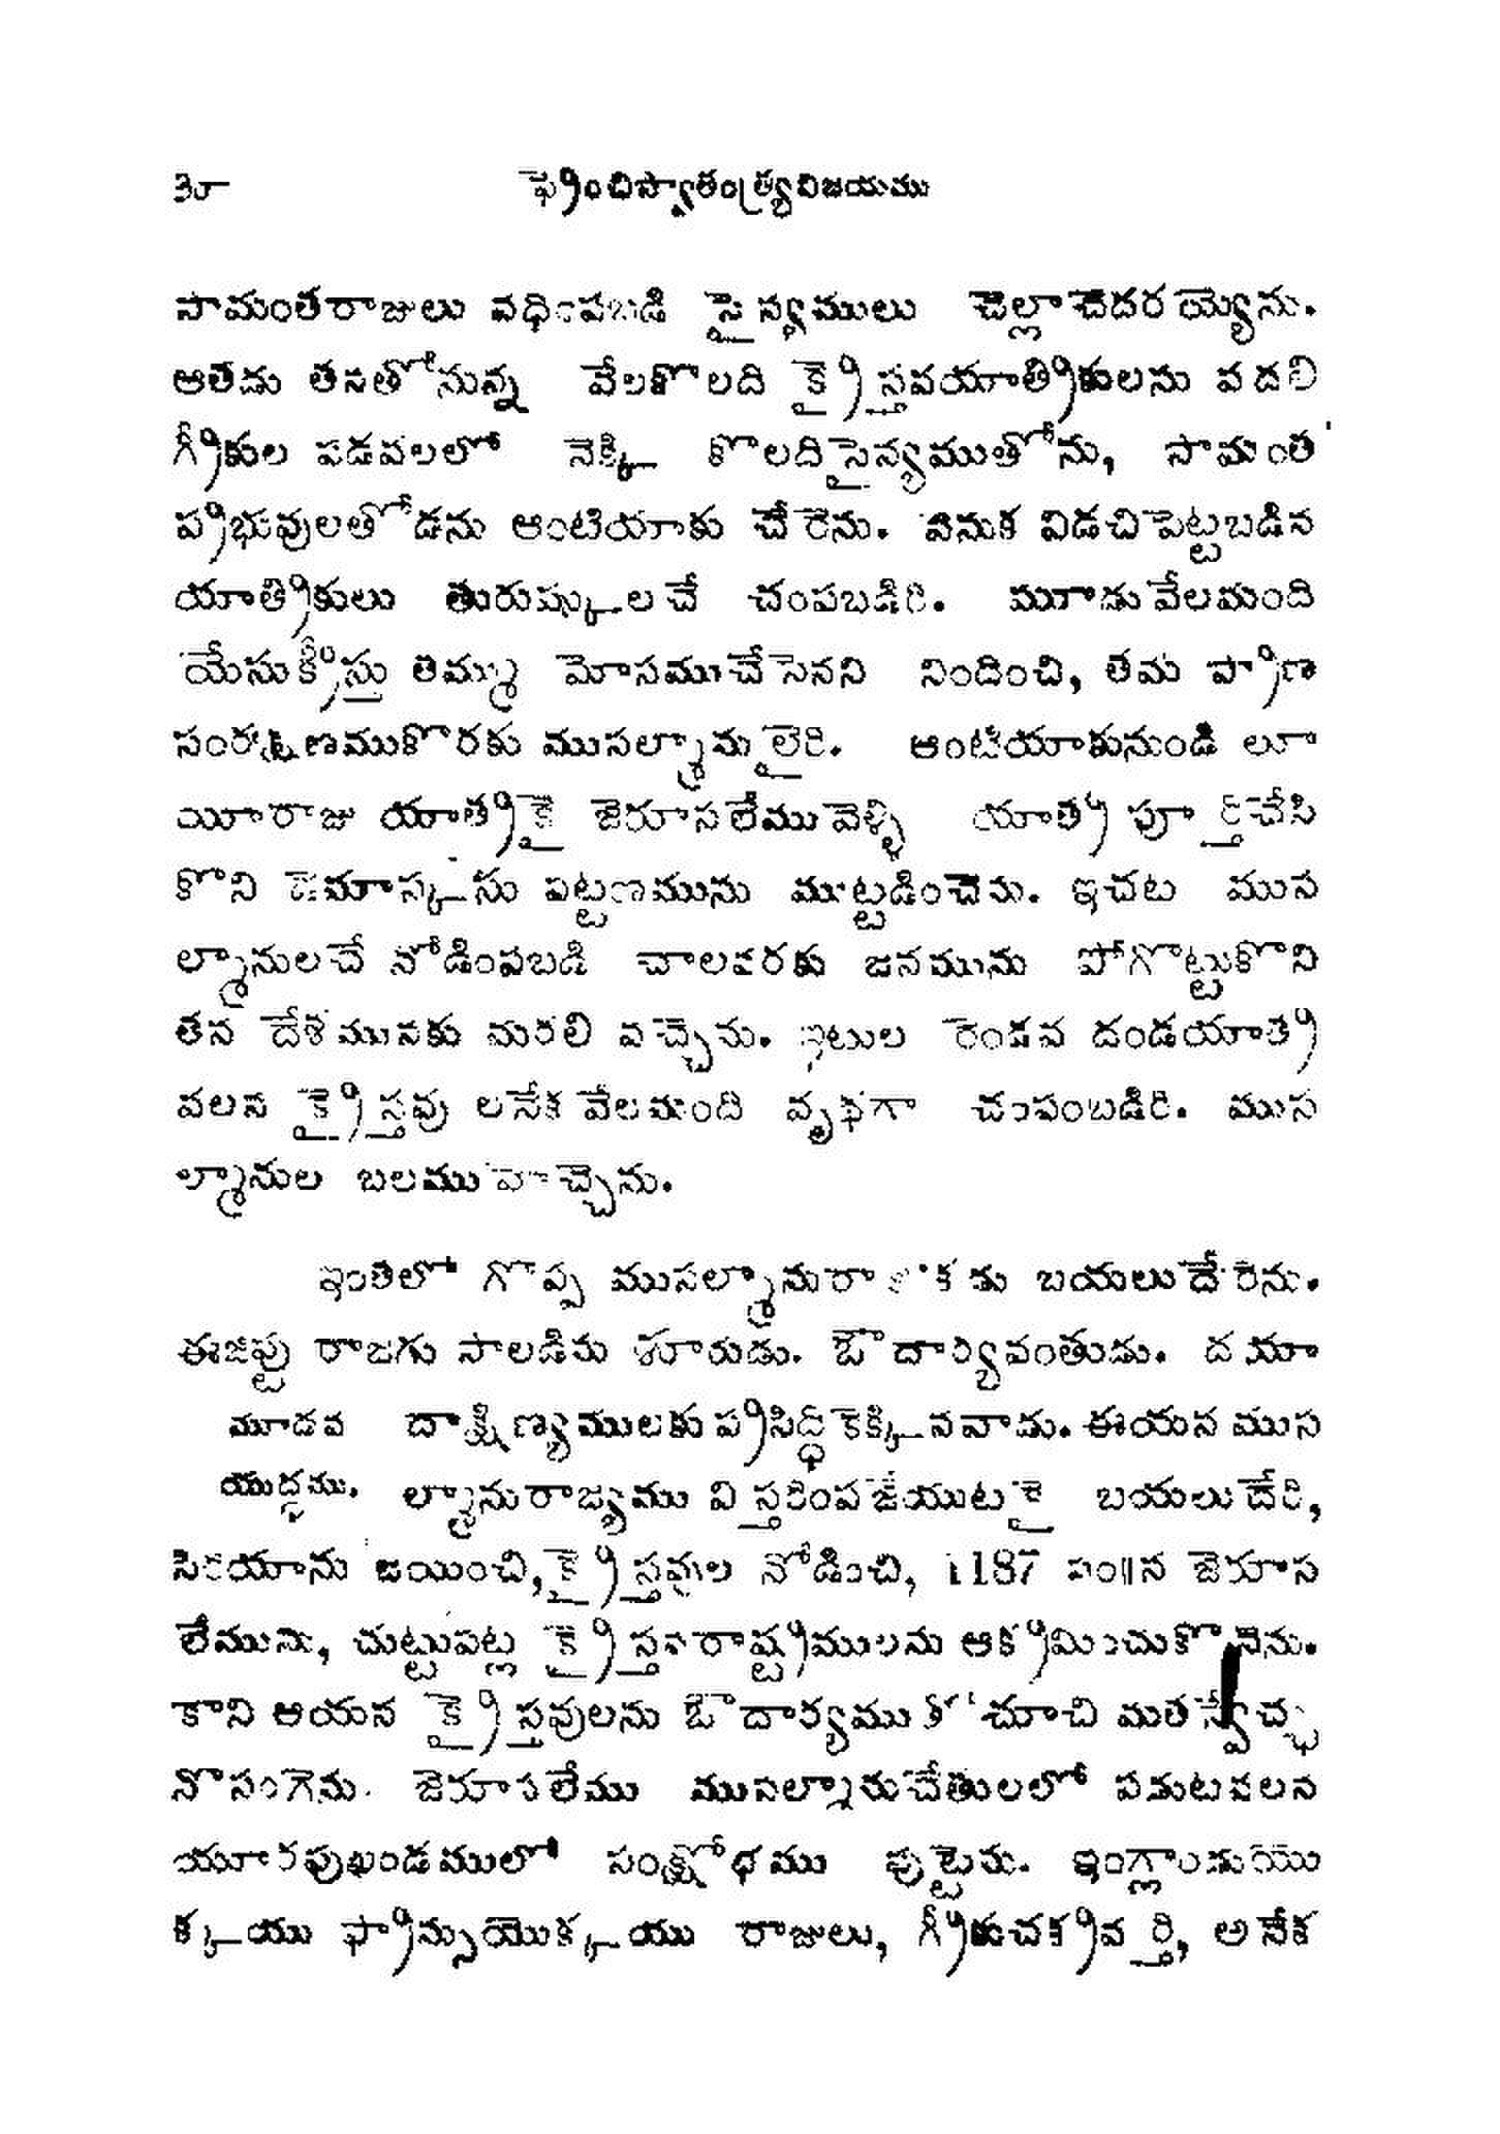సామంతరాజులు వధింపడి 'సై స్యములు చెల్లా చెదరయ్యెను.
అతడు తనతో నున్న వేలకొలది. క్రైస్తవ యాత్రికులను వదలి
గ్రీకుల పడవలలో నెక్కి కొలది సైన్యముతోను, సామంత
ప్రభువుల తోడను ఆంటియాకు చేరెను. వెనుక విడచి పెట్టబడిన
యాత్రికులు తురుష్కులచే చంపబడిరి. మూడు వేల మంది
'యేసు క్రీస్తు తమ్ము మోసము చేసెనని నిందించి, తమ ప్రాణ
సంరక్షణము కొరకు ముసల్మాను లైరి. ఆంటీయాకు నుండి లూ
యీ రాజు యాత్రకై. జెరూసలేము వెళ్ళి యాత్ర పూర్తి చేసి
కొని మాస్కసు పట్టణమును ముట్టడించెను. ఇచట ముస
ల్మానులచే నోడింపబడి చాలవరకు జనమును పోగొట్టుకొని
తన దేశమునకు మరలి వచ్చెను. ఇటుల రెండవ దండయాత్ర
వలస క్రైస్తవు లనేక వేల మంది వృథగా చంపబడిరి. ముస
ల్మానుల బలము హెచ్చెను.

ఇంతలో గొప్ప ముసల్మాను రాజొకడు బయలు దేరెను .
ఈజిప్టు రాజగు సాలడిన శూరుడు. ఔదార్యవంతుడు. దయా
దాక్షిణ్యములకు ప్రసిద్ధి కెక్కి నవాడు. ఈయన ముస
ల్మాను రాజ్యము విస్తరింప జేయుటకై బయలు దేరి,
సిరియాను జయించి, క్రైస్తమల నోడించి, 1187 సం||న జెరూస
లేమును, చుట్టుపట్ల క్రస్తవ రాష్ట్రములను ఆక్రమించుకొనెను.
కాని ఆయన క్రైస్తవులను ఔదార్యముతో చూచి మత స్వేచ్ఛ
నొసంగెను. జెరూసలేము ముసల్నాను చేతులలో పడుటవలన
యూర పుఖండములో సంక్షోభము పుట్టెను. ఇంగ్లాండు యె
క్కయు ప్రాస్సు యొక్కయు రాజులు, గ్రీకు చక్రవర్తి, అనేక